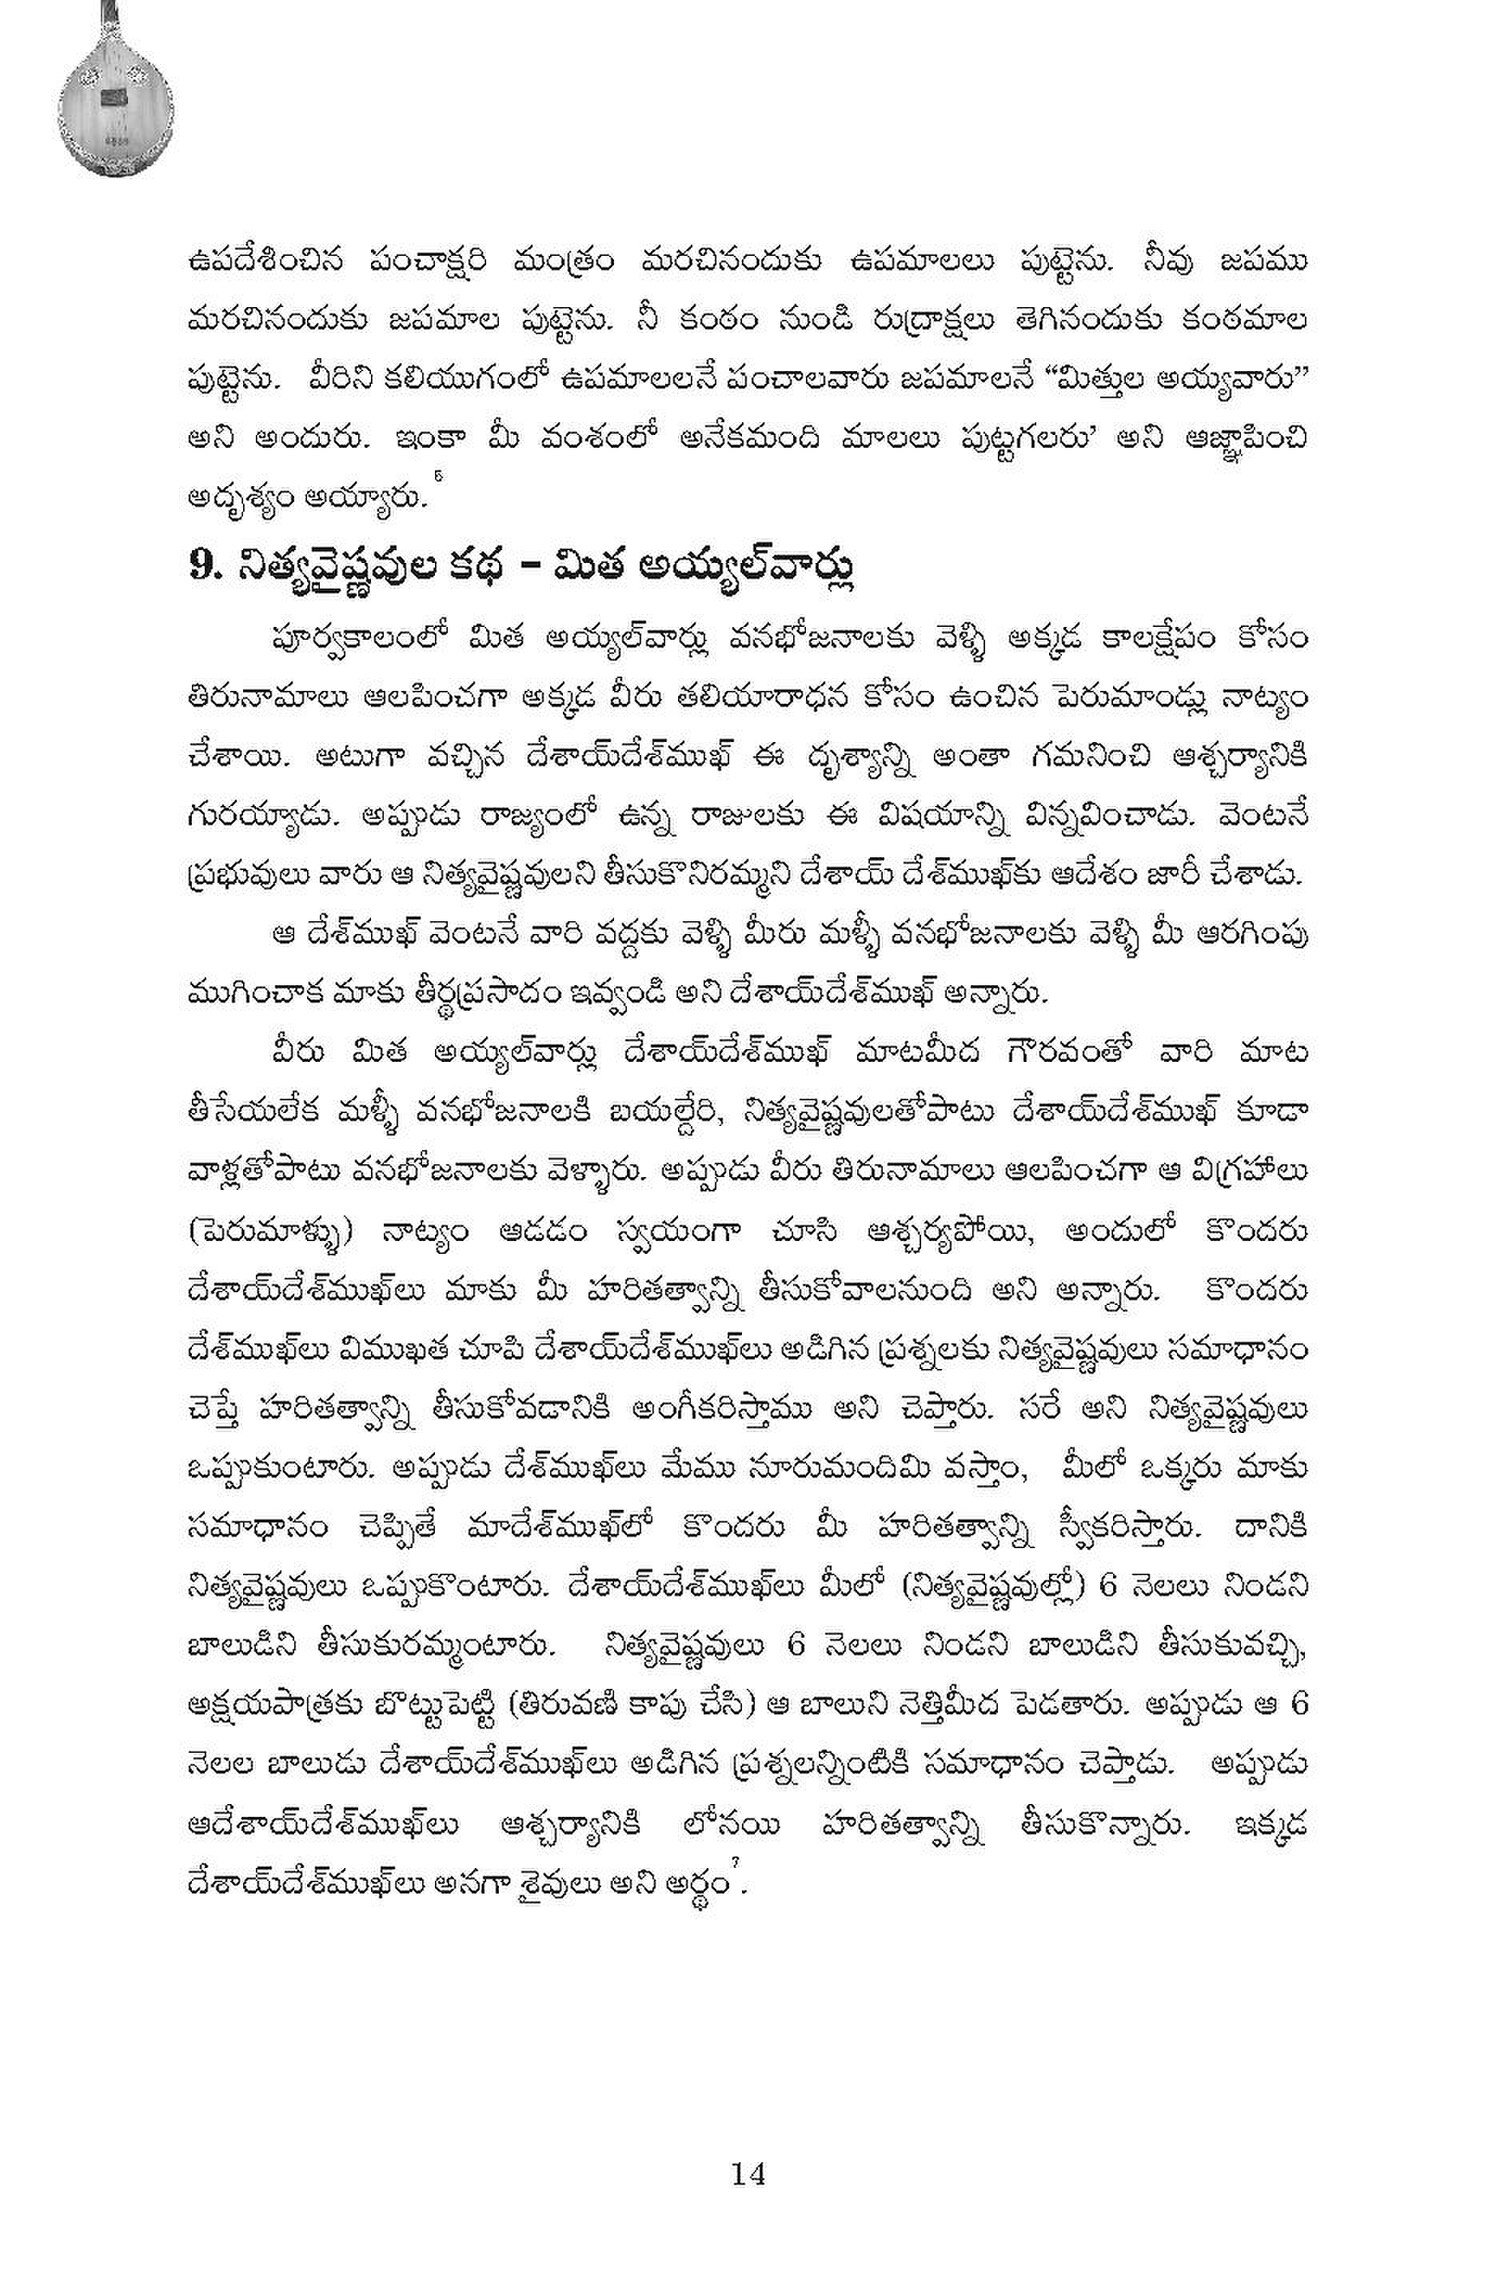ఉపదేశించిన పంచాక్షరి మంత్రం మరచినందుకు ఉపమాలలు పుట్టెను. నీవు జపము మరచినందుకు జపమాల పుట్టెను. నీ కంఠం నుండి రుద్రాక్షలు తెగినందుకు కంఠమాల పుట్టెను. వీరిని కలియుగంలో ఉపమాలలనే పంచాలవారు జపమాలనే “మిత్తుల అయ్యవారు” అని అందురు. ఇంకా మీ వంశంలో అనేకమంది మాలలు పుట్టగలరు' అని ఆజ్ఞాపించి
అదృశ్యం అయ్యారు.6

9. నిత్యవైష్ణవుల కథ - మిత అయ్యల్వార్లు 

పూర్వకాలంలో మిత అయ్యల్వార్లు వనభోజనాలకు వెళ్ళి అక్కడ కాలక్షేపం కోసం తిరునామాలు ఆలపించగా అక్కడ వీరు తలియారాధన కోసం ఉంచిన పెరుమాండ్లు నాట్యం చేశాయి. అటుగా వచ్చిన దేశాయ్ దేశ్ ముఖ్ ఈ దృశ్యాన్ని అంతా గమనించి ఆశ్చర్యానికి గురయ్యాడు. అప్పుడు రాజ్యంలో ఉన్న రాజులకు ఈ విషయాన్ని విన్నవించాడు. వెంటనే
ప్రభువులు వారు ఆ నిత్యవైష్ణవులని తీసుకొనిరమ్మని దేశాయ్ దేశముఖ్కు ఆదేశం జారీ చేశాడు.

ఆ దేశముఖ్ వెంటనే వారి వద్దకు వెళ్ళి మీరు మళ్ళీ వనభోజనాలకు వెళ్ళి మీ ఆరగింపు ముగించాక మాకు తీర్థప్రసాదం ఇవ్వండి అని దేశాయ్ దేశముఖ్ అన్నారు.

వీరు మిత అయ్యల్వార్లు దేశాయేశముఖ్ మాటమీద గౌరవంతో వారి మాట తీసేయలేక మళ్ళీ వనభోజనాలకి బయల్దేరి, నిత్యవైష్ణవులతోపాటు దేశాయ్ దేశముఖ్ కూడా వాళ్లతోపాటు వనభోజనాలకు వెళ్ళారు. అప్పుడు వీరు తిరునామాలు ఆలపించగా ఆ విగ్రహాలు (పెరుమాళ్ళు) నాట్యం ఆడడం స్వయంగా చూసి ఆశ్చర్యపోయి, అందులో కొందరు
దేశాయేశముఖు మాకు మీ హరితత్వాన్ని తీసుకోవాలనుంది అని అన్నారు. కొందరు దేశముఖు విముఖత చూపి దేశాయేశముఖు అడిగిన ప్రశ్నలకు నిత్యవైష్ణవులు సమాధానం చెప్తే హరితత్వాన్ని తీసుకోవడానికి అంగీకరిస్తాము అని చెప్తారు. సరే అని నిత్యవైష్ణవులు ఒప్పుకుంటారు. అప్పుడు దేశముఖు మేము నూరుమందిమి వస్తాం, మీలో ఒక్కరు మాకు
సమాధానం చెప్పితే మాదేశముఖ్ కొందరు మీ హరితత్వాన్ని స్వీకరిస్తారు. దానికి నిత్యవైష్ణవులు ఒప్పుకొంటారు. దేశాయేశ ముఖు మీలో (నిత్యవైష్ణవుల్లో) 6 నెలలు నిండని బాలుడిని తీసుకురమ్మంటారు. నిత్యవైష్ణవులు 6 నెలలు నిండని బాలుడిని తీసుకువచ్చి, అక్షయపాత్రకు బొట్టుపెట్టి (తిరువణి కాపు చేసి ఆ బాలుని నెత్తిమీద పెడతారు. అప్పుడు ఆ 6
నెలల బాలుడు దేశాయేశ్ ముఖ్లు అడిగిన ప్రశ్నలన్నింటికి సమాధానం చెప్తాడు. అప్పుడు ఆదేశాయేశముఖు ఆశ్చర్యానికి లోనయి హరితత్వాన్ని తీసుకొన్నారు. ఇక్కడ దేశాయేశముఖు అనగా శైవులు అని అర్థం.7